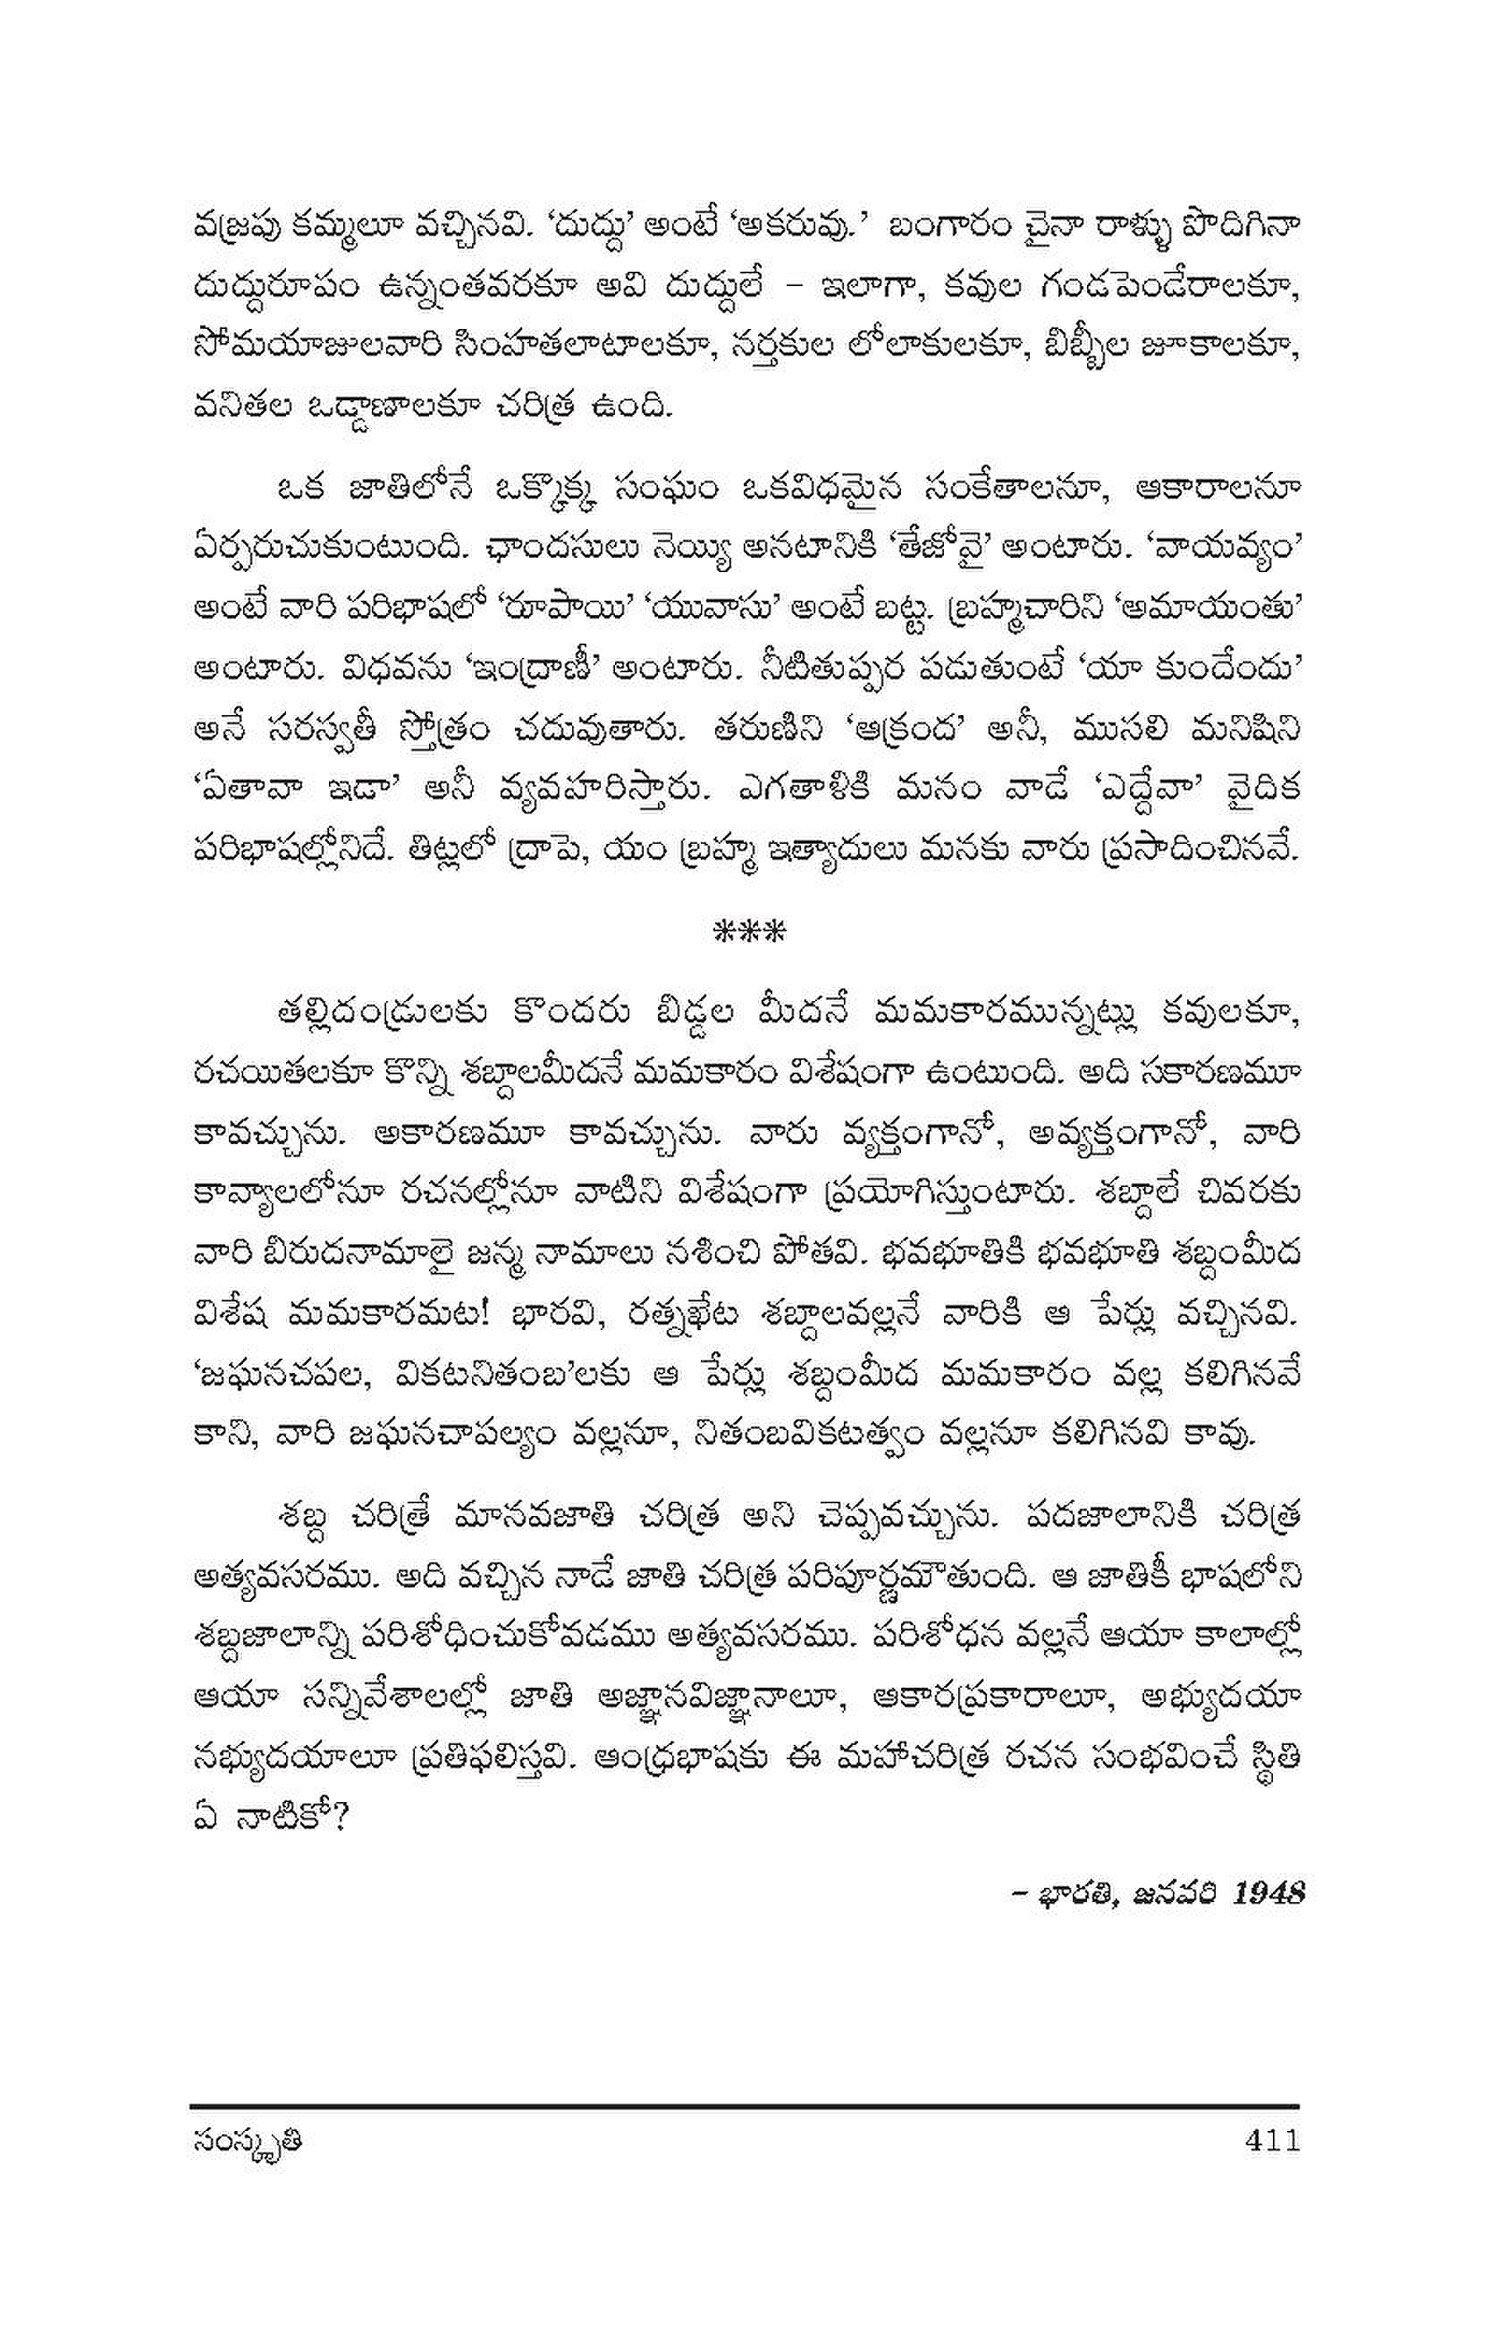వజ్రపు కమ్మలూ వచ్చినవి. 'దుద్దు' అంటే 'అకరువు.' బంగారం చైనా రాళ్ళు పొదిగినా
దుద్దురూపం ఉన్నంతవరకూ అవి దుద్దులే - ఇలాగా, కవుల గండపెండేరాలకూ,
సోమయాజులవారి సింహతలాటాలకూ, నర్తకుల లోలాకులకూ, బిబ్బీల జూకాలకూ,
వనితల ఒడ్డాణాలకూ చరిత్ర ఉంది.

ఒక జాతిలోనే ఒక్కొక్క సంఘం ఒకవిధమైన సంకేతాలనూ, ఆకారాలనూ
ఏర్పరుచుకుంటుంది. ఛాందసులు నెయ్యి అనటానికి 'తేజోవై' అంటారు. 'వాయవ్యం'
అంటే వారి పరిభాషలో 'రూపాయి' 'యువాసు' అంటే బట్ట. బ్రహ్మచారిని 'అమాయంతు'
అంటారు. విధవను 'ఇంద్రాణీ' అంటారు. నీటితుప్పర పడుతుంటే 'యా కుందేందు’
అనే సరస్వతీ స్తోత్రం చదువుతారు. తరుణిని 'ఆక్రంద' అనీ, ముసలి మనిషిని
'ఏతావా ఇడా' అనీ వ్యవహరిస్తారు. ఎగతాళికి మనం వాడే 'ఎద్దేవా' వైదిక
పరిభాషల్లోనిదే. తిట్లలో ద్రాపె, యం బ్రహ్మ ఇత్యాదులు మనకు వారు ప్రసాదించినవే.

తల్లిదండ్రులకు కొందరు బిడ్డల మీదనే మమకారమున్నట్లు కవులకూ,
రచయితలకూ కొన్ని శబ్దాలమీదనే మమకారం విశేషంగా ఉంటుంది. అది సకారణమూ
కావచ్చును. అకారణమూ కావచ్చును. వారు వ్యక్తంగానో, అవ్యక్తంగానో, వారి
కావ్యాలలోనూ రచనల్లోనూ వాటిని విశేషంగా ప్రయోగిస్తుంటారు. శబ్దాలే చివరకు
వారి బిరుదనామాలై జన్మ నామాలు నశించి పోతవి. భవభూతికి భవభూతి శబ్దం మీద
విశేష మమకారమట! భారవి, రత్నభేట శబ్దాలవల్లనే వారికి ఆ పేర్లు వచ్చినవి.
'జఘనచపల, వికటనితంబ'లకు ఆ పేర్లు శబ్దంమీద మమకారం వల్ల కలిగినవే
కాని, వారి జఘనచాపల్యం వల్లనూ, నితంబవికటత్వం వల్లనూ కలిగినవి కావు.

శబ్ద చరిత్రే మానవజాతి చరిత్ర అని చెప్పవచ్చును. పదజాలానికి చరిత్ర
అత్యవసరము. అది వచ్చిన నాడే జాతి చరిత్ర పరిపూర్ణమౌతుంది. ఆ జాతికీ భాషలోని
శబ్దజాలాన్ని పరిశోధించుకోవడము అత్యవసరము. పరిశోధన వల్లనే ఆయా కాలాల్లో
ఆయా సన్నివేశాలల్లో జాతి అజ్ఞానవిజ్ఞానాలూ, ఆకారప్రకారాలూ, అభ్యుదయా
నభ్యుదయాలూ ప్రతిఫలిస్తవి. ఆంధ్రభాషకు ఈ మహాచరిత్ర రచన సంభవించే స్థితి
ఏ నాటికో?